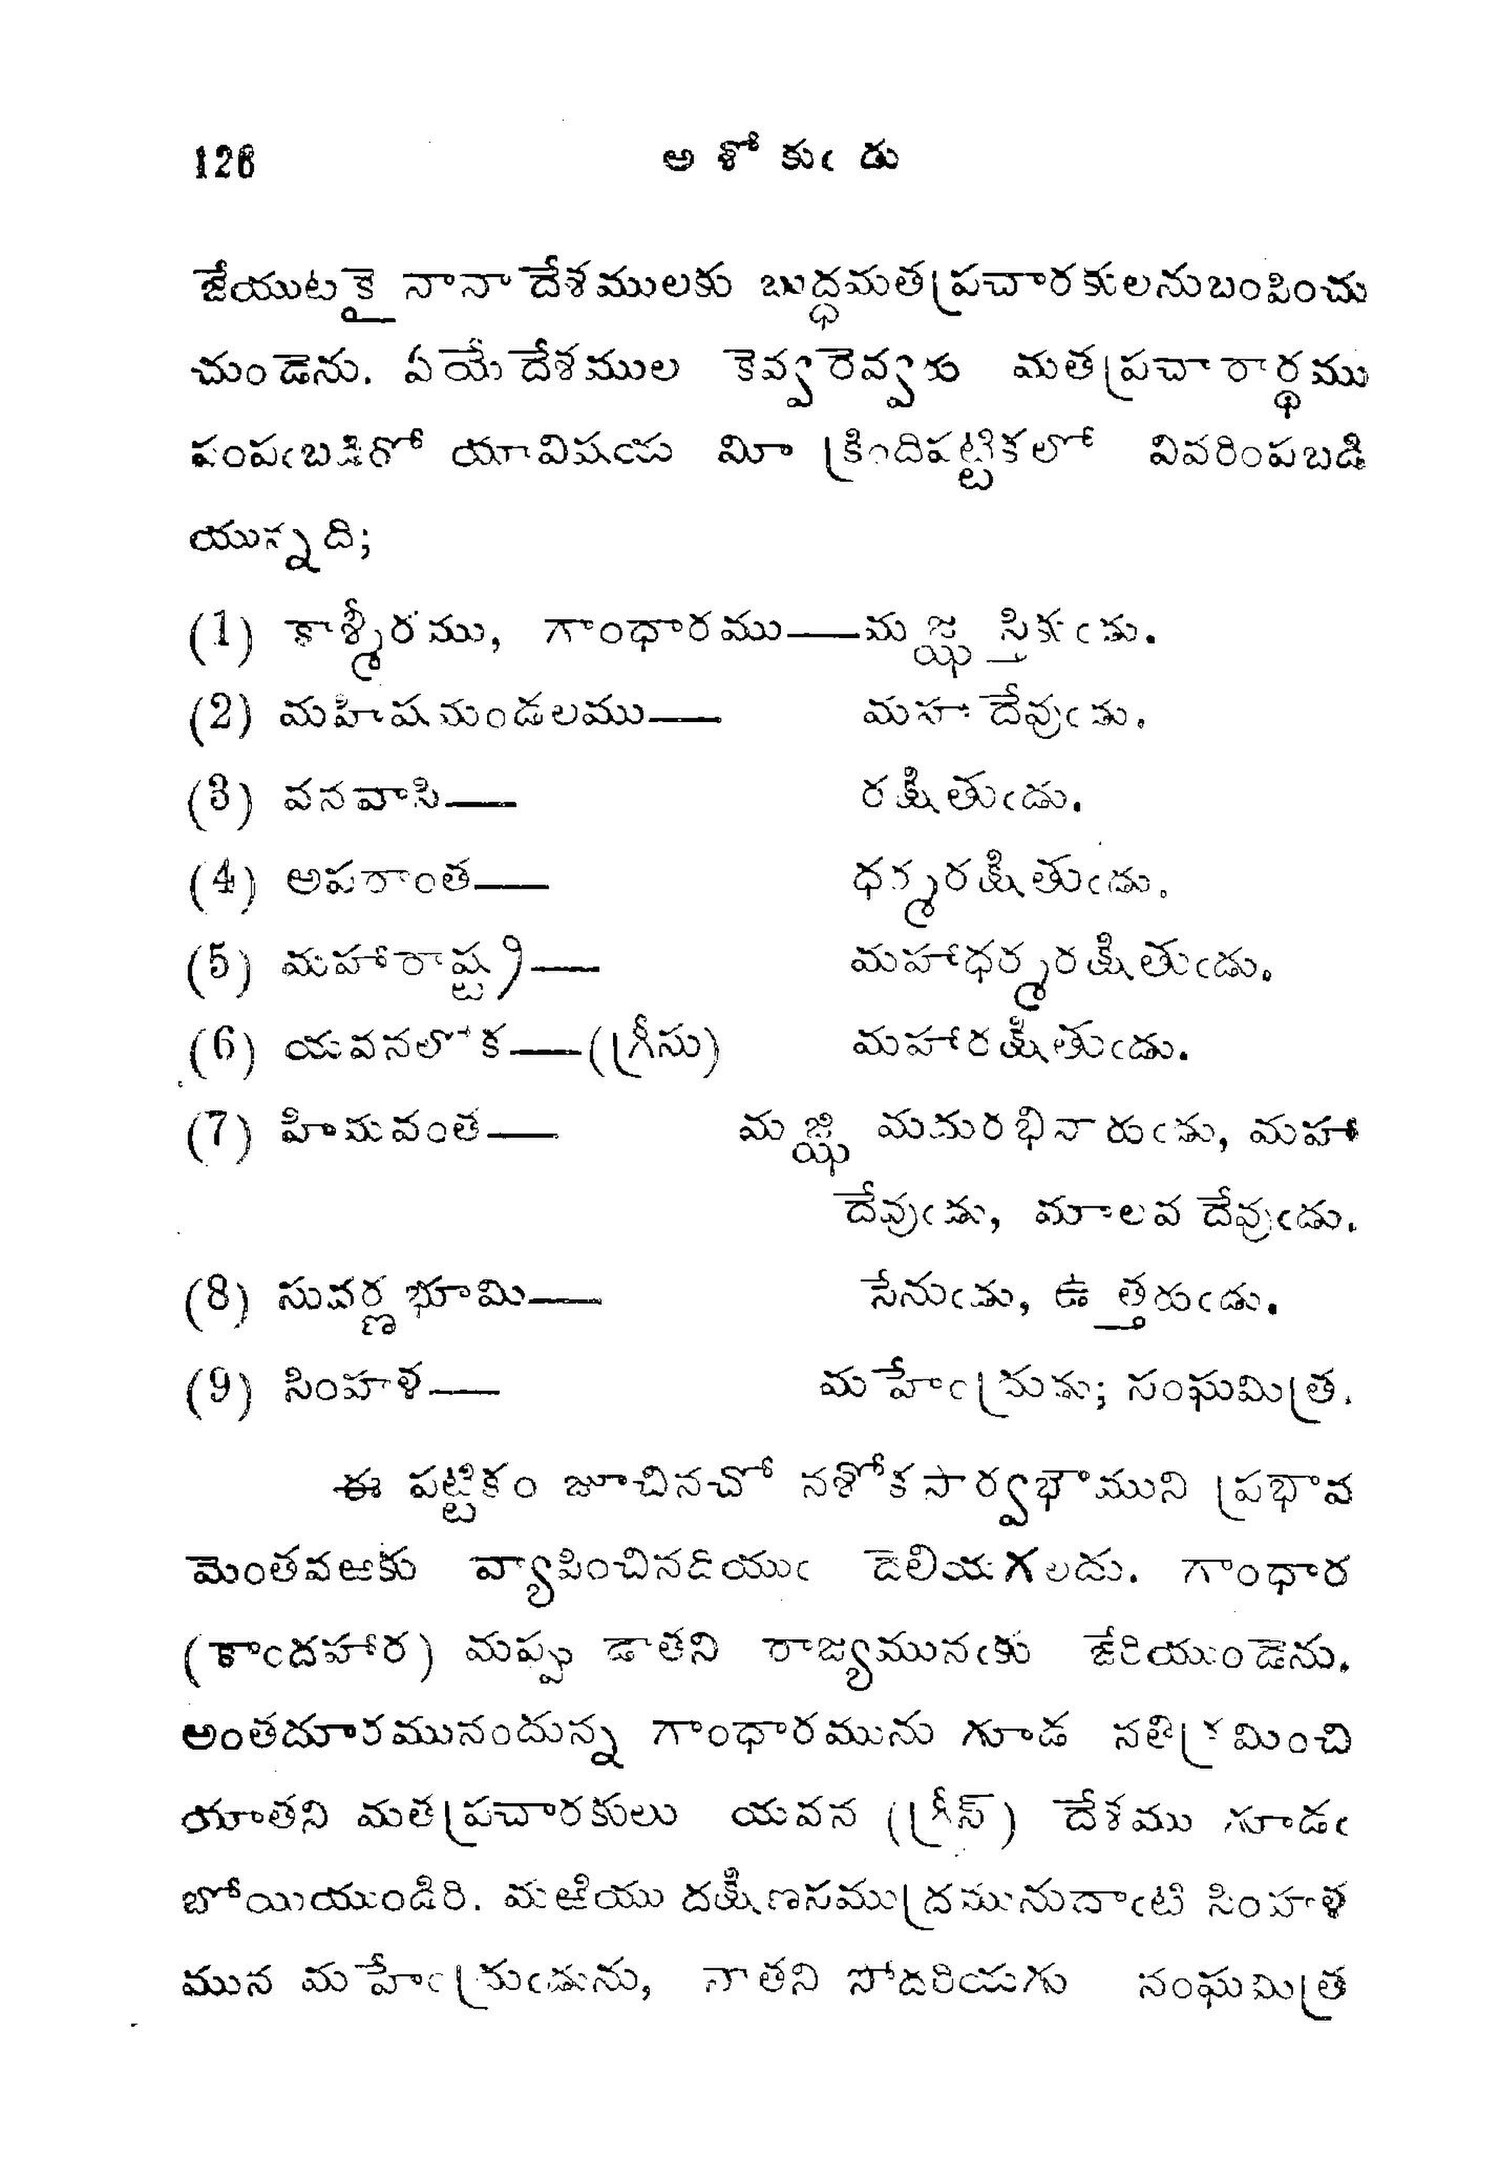జేయుటకై నానా దేశములకు బుద్దమత ప్రచారకులను బంపించు చుండెను. ఏయే దేశముల కెవ్వరెవ్వరు మత ప్రచారార్థము పంపఁబడిరో యా విషయ మీ క్రిందిపట్టికలో వివరింపబడి యున్నది;

(1) కాశ్మీరము, గాంధారము—మజ్ఞస్తికుఁడు.
(2) మహిషమండలము-- మహదేవుఁడు.
(3) వన వాసి—— రక్షితుఁడు.
(4) అపరాంత—— ధర్మరక్షితుఁడు,
(5) మహారాష్ట్ర—— మహాధర్మరక్షితుఁడు.
(6) యవనలోక (గ్రీసు)—— మహారక్షితుఁడు.
(7) హిమవంత—— మజ్ఞి మదురభి సారుఁడు, మహాదేవుఁడు, మాలవ దేవుఁడు.
(8) సువర్ణ భూమి——సేనుఁడు, ఉత్తరుఁడు.
(9) సింహళ—— మహేంద్రుడు; సంఘమిత్ర,

ఈ పట్టికం జూచినచో నశోక సార్వభౌముని ప్రభావ మెంతవఱకు వ్యాపించినదియుఁ దెలియగలడు. గాంధార(కాందహార) మప్పు డాతని రాజ్యమునకు జేరియుండెను.అంతదూరము నందున్న గాంధారమును గూడ నతిక్రమించి యాతని మత ప్రచారకులు యవన (గ్రీస్) దేశము గూడఁ బోయియుండిరి. మఱియు దక్షిణసముద్రమునుదాఁటి సింహళమున మహేఁద్రుఁడును, నాతని సోదరియగు సంఘమిత్ర